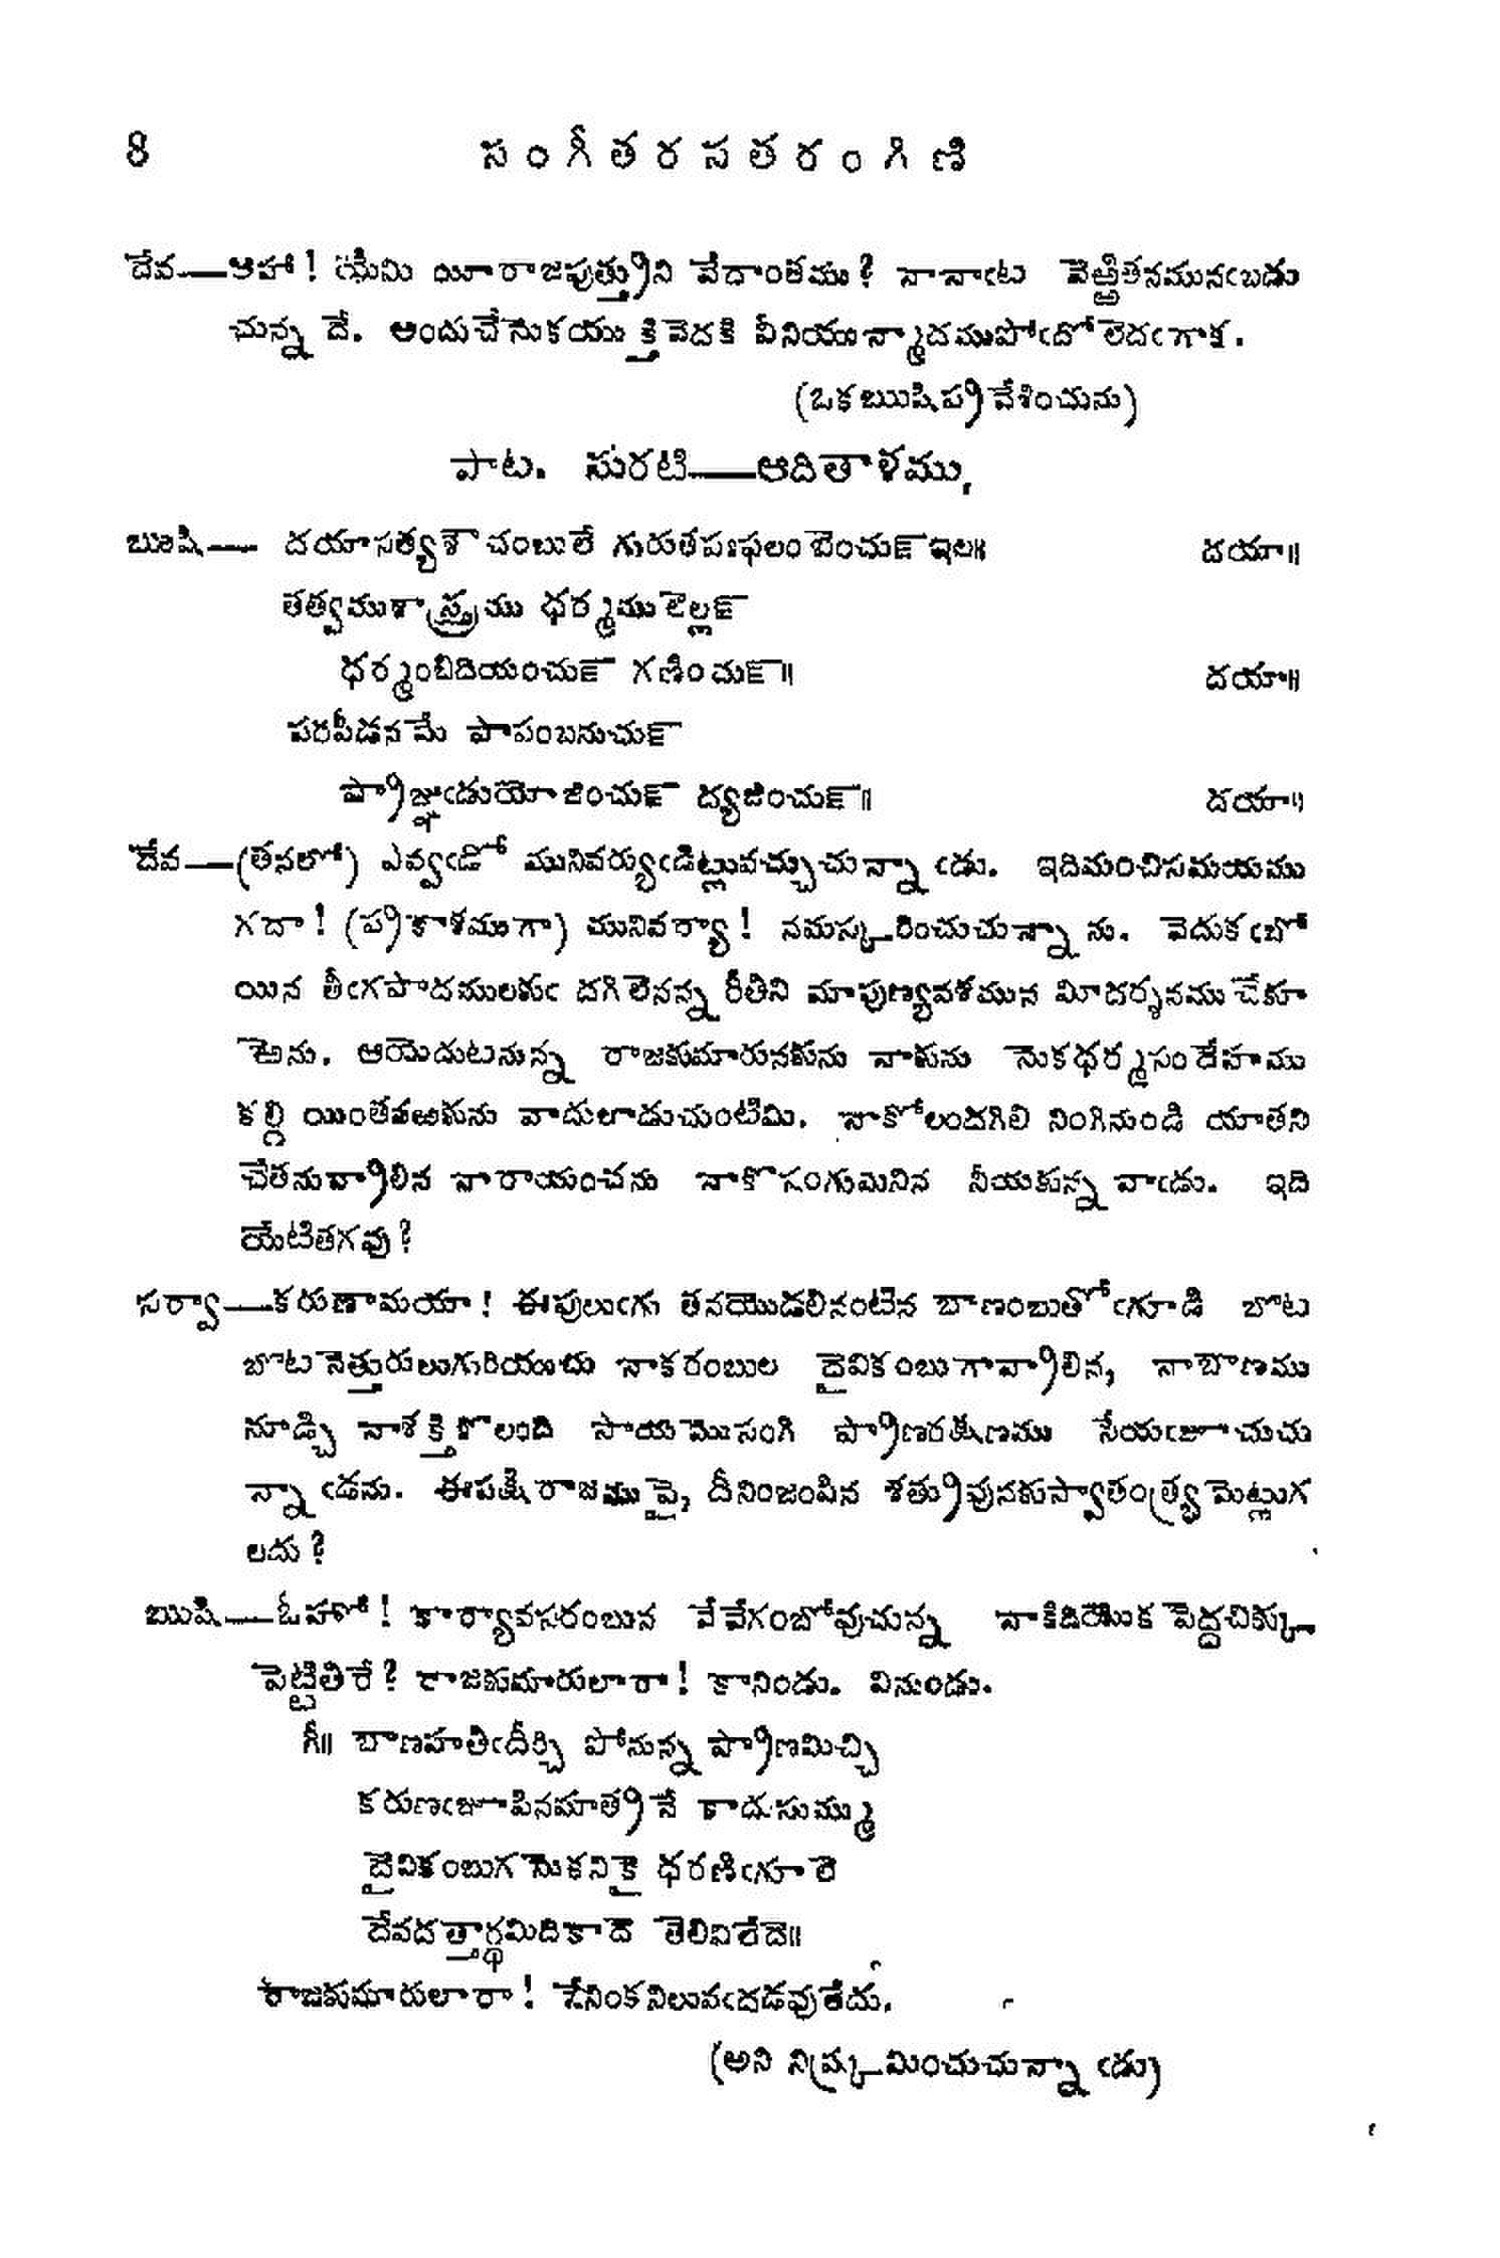దేవ.— ఆహా! యేమి యీరాజపుత్రుని వేదాంతము? నానాట వెట్టితనమునఁబడు చున్నదే. అందుచేనెుకయుక్తివెదకి వీనియున్మాదము
పోఁదోలేదఁగాక.

ఋషి —— దయాసత్యశాచంబులే గురుతపఃఫలం బెంచు౯ ఇల 
తత్వముశాస్త్రము ధర్మము లెల్ల౯
ధర్మంబిదియంచు౯ గణించు౯॥
పరపీడనమే పాపంబనుచు౯
ప్రాజ్ఞుఁడుయోజించు౯ ద్యజించు౯॥

దేవ— (తనలో) ఎవ్వఁడో మునివర్యుఁడిట్లు వచ్చుచున్నాఁడు. ఇది మంచి సమయము గదా! (ప్రకాశముగా) మునివర్యా! నమస్కరించుచున్నాను. వెదుకఁబోయిన తీఁగపాదములకుఁ దగిలెనన్న రీతిని మాపుణ్యవశమున మీదర్శనము చేకూఱెను. ఆయెదుటనున్న రాజకుమారునకును నాకును నొకధర్మసందేహము కల్గి యింతవఱగును వాదులాడుచుంటిమి. నాకోలందగిలి నింగినుండి యాతని చేతను వ్రాలిన నారాయంచను నాకొసంగుమనిన నీయకున్నవాఁడు. ఇదియేటితగవు? 

సర్వా - కరుణామయా! ఈ పులుఁగు తనయొడలినంటిన బాణంబుతోఁగూడి బొట బొట నెత్తురులుగురియుచు నాకరంబుల దైవికంబుగా వాలిన, నాబాణము నూడ్చి నాశక్తికొలంది సాయమొసంగి ప్రాణరక్షణము సేయఁజూచుచున్నాఁడను. ఈ పక్షిరాజముపై, దీనింజంపిన శత్రువునకు స్వాతంత్య్రమెట్లుగలదు? 

ఋషి - ఓహో! కార్యావసరంబున వేవేగంబోవుచున్న నాకిదియొక పెద్దచిక్కుపెట్టితిరే? రాజకుమారులారా! కానిండు. వినుండు.

గీ॥ బాణహతిఁదీర్చి పోనున్నప్రాణమిచ్చి
కరుణఁజూపినమాత్రనే కాదుసుమ్ము
దైవికంబుగమెకనికై ధరణిఁగూలె
దేవదత్తార్థమిదికాదె తెలివిలేదె॥ 

రాజకుమారులారా! నేనింక నిలువఁదడవులేదు.